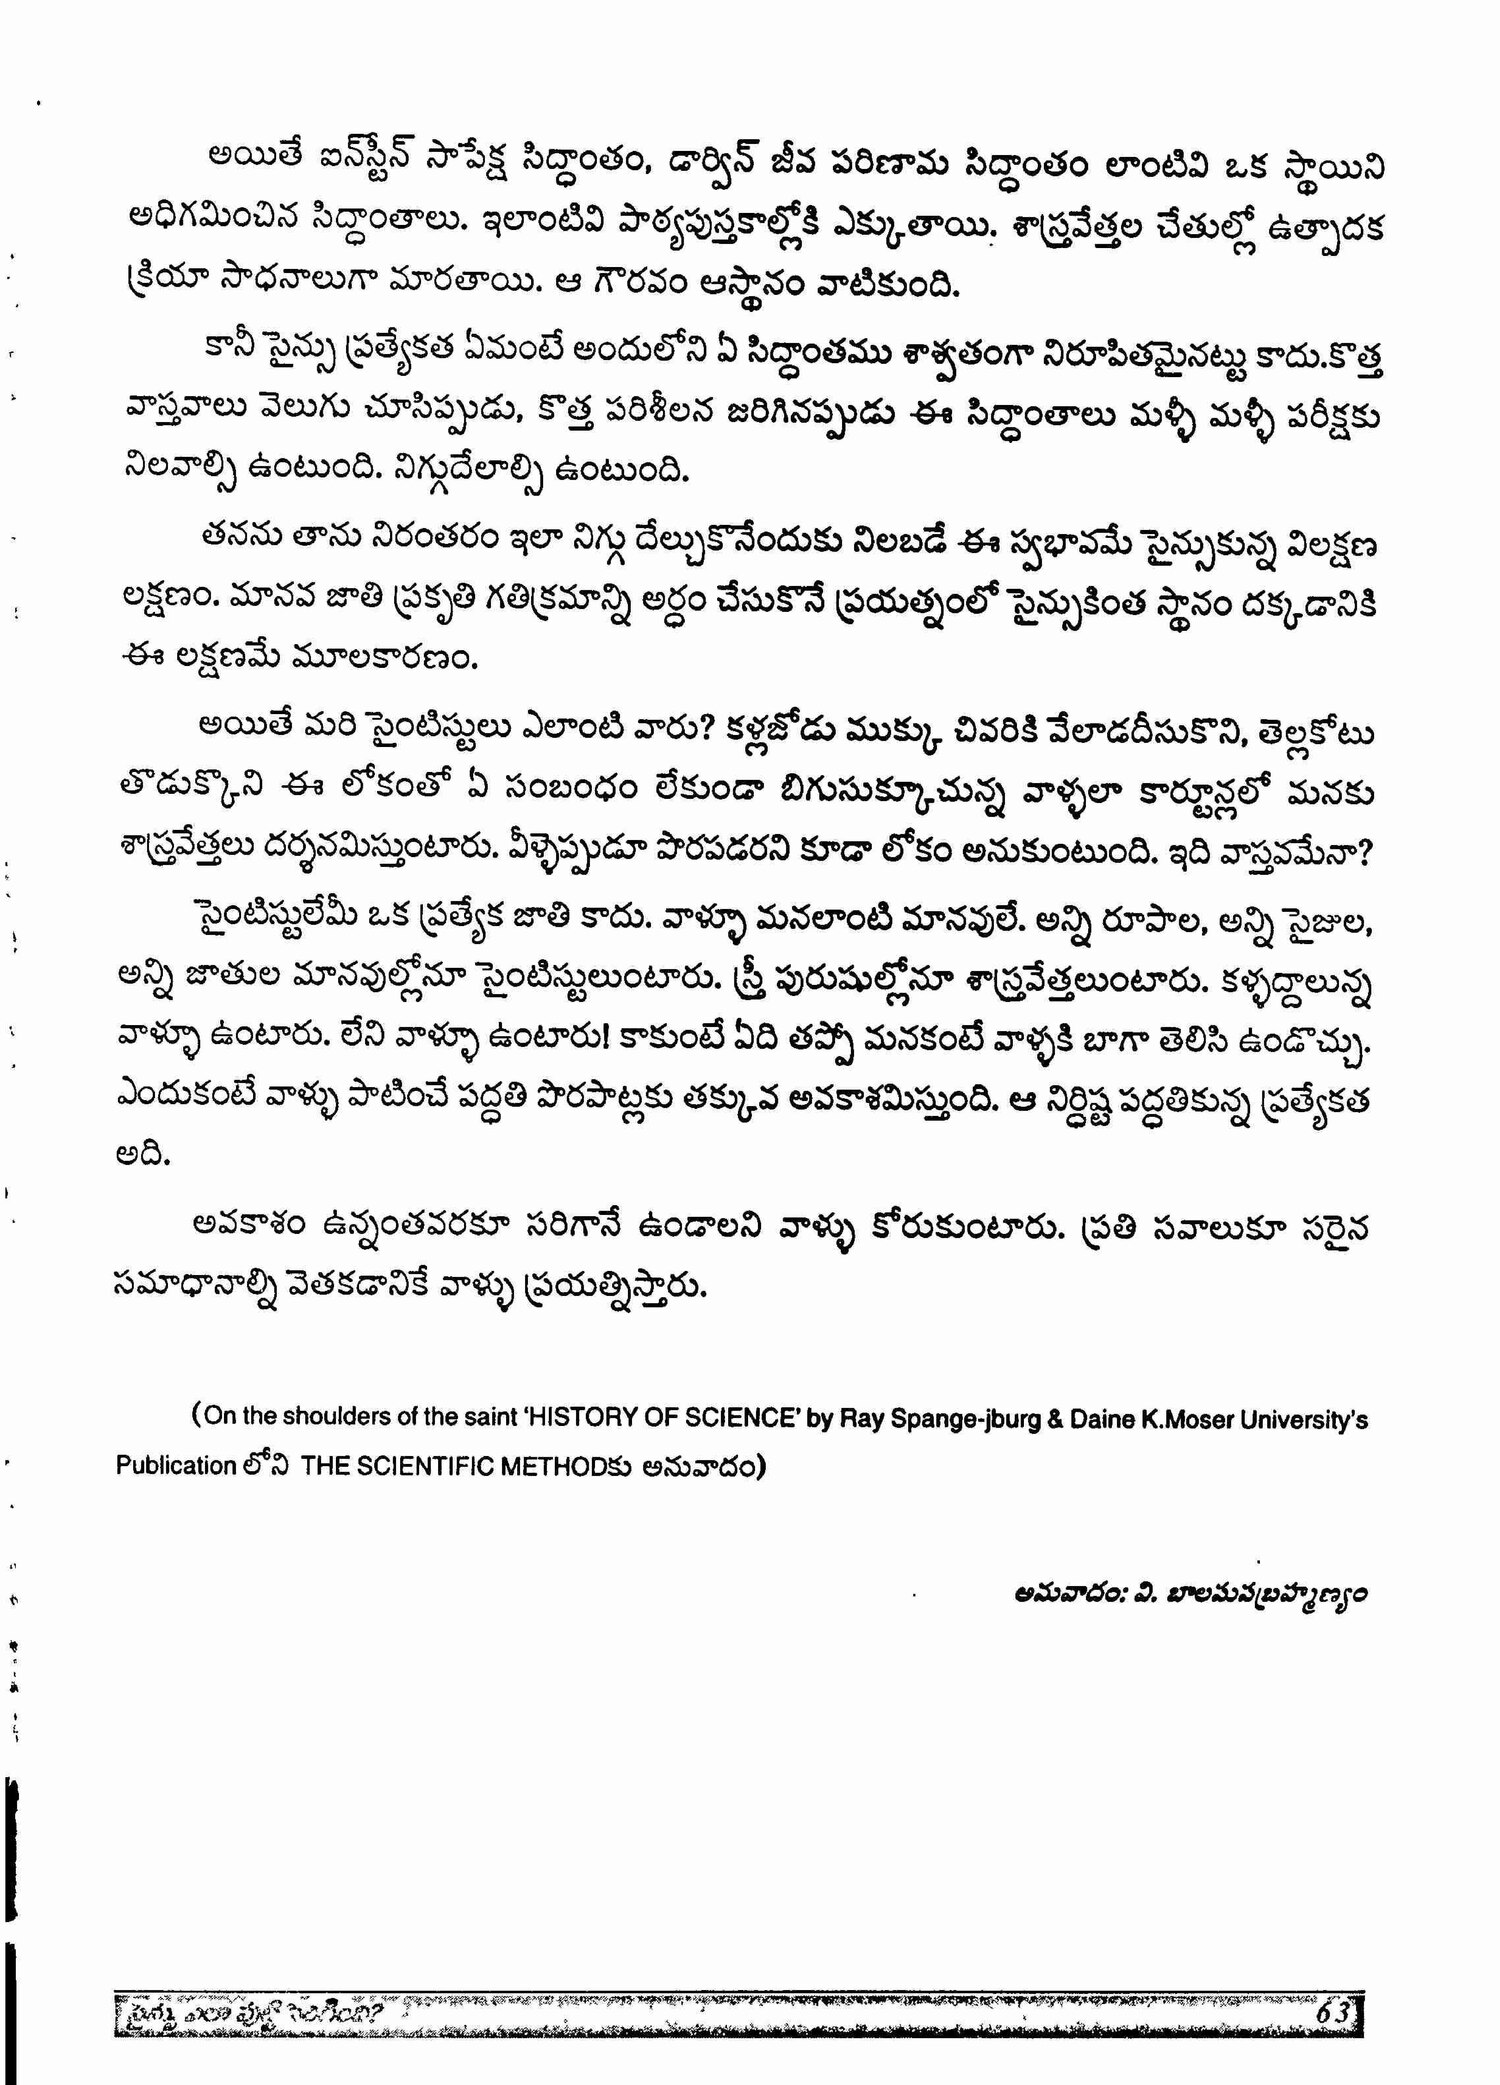అయితే ఐన్‌స్టీన్ సాపేక్ష సిద్ధాంతం, డార్విన్ జీవ పరిణామ సిద్ధాంతం లాంటివి ఒక స్థాయిని అధిగమించిన సిద్ధాంతాలు. ఇలాంటివి పాఠ్యపుస్తకాల్లోకి ఎక్కుతాయి. శాస్త్రవేత్తల చేతుల్లో ఉత్పాదక క్రియా సాధనాలుగా మారతాయి. ఆ గౌరవం ఆస్థానం వాటికుంది.

కానీ సైన్సు ప్రత్యేకత ఏమంటే అందులోని ఏ సిద్ధాంతము శాశ్వతంగా నిరూపితమైనట్టు కాదు.కొత్త వాస్తవాలు వెలుగు చూసిప్పుడు, కొత్త పరిశీలన జరిగినప్పుడు ఈ సిద్ధాంతాలు మళ్ళీ మళ్ళీ పరీక్షకు నిలవాల్సి ఉంటుంది. నిగ్గుదేలాల్సి ఉంటుంది.

తనను తాను నిరంతరం ఇలా నిగ్గు దేల్చుకొనేందుకు నిలబడే ఈ స్వభావమే సైన్సుకున్న విలక్షణ లక్షణం. మానవ జాతి ప్రకృతి గతిక్రమాన్ని అర్ధం చేసుకొనే ప్రయత్నంలో సైన్సుకింత స్థానం దక్కడానికి ఈ లక్షణమే మూలకారణం.

అయితే మరి సైంటిస్టులు ఎలాంటి వారు? కళ్లజోడు ముక్కు చివరికి వేలాడదీసుకొని, తెల్లకోటు తొడుక్కొని ఈ లోకంతో ఏ సంబంధం లేకుండా బిగుసుక్కూచున్న వాళ్ళలా కార్టూన్లలో మనకు శాస్త్రవేత్తలు దర్శనమిస్తుంటారు. వీళ్ళెప్పుడూ పొరపడరని కూడా లోకం అనుకుంటుంది. ఇది వాస్తవమేనా?

సైంటిస్టులేమీ ఒక ప్రత్యేక జాతి కాదు. వాళ్ళూ మనలాంటి మానవులే. అన్ని రూపాల, అన్ని సైజుల, అన్ని జాతుల మానవుల్లోనూ సైంటిస్టులుంటారు. స్త్రీ పురుషుల్లోనూ శాస్త్రవేత్తలుంటారు. కళ్ళద్దాలున్న వాళ్ళూ ఉంటారు. లేని వాళ్ళూ ఉంటారు! కాకుంటే ఏది తప్పో మనకంటే వాళ్ళకి బాగా తెలిసి ఉండొచ్చు. ఎందుకంటే వాళ్ళు పాటించే పద్ధతి పొరపాట్లకు తక్కువ అవకాశమిస్తుంది. ఆ నిర్ధిష్ట పద్ధతికున్న ప్రత్యేకత అది.

అవకాశం ఉన్నంతవరకూ సరిగానే ఉండాలని వాళ్ళు కోరుకుంటారు. ప్రతి సవాలుకూ సరైన సమాధానాల్ని వెతకడానికే వాళ్ళు ప్రయత్నిస్తారు.

(On the shoulders of the saint 'HISTORY OF SCIENCE' by Ray Spange-jburg & Daine K. Moser University's Publication లోని THE SCIENTIFIC METHODకు అనువాదం)